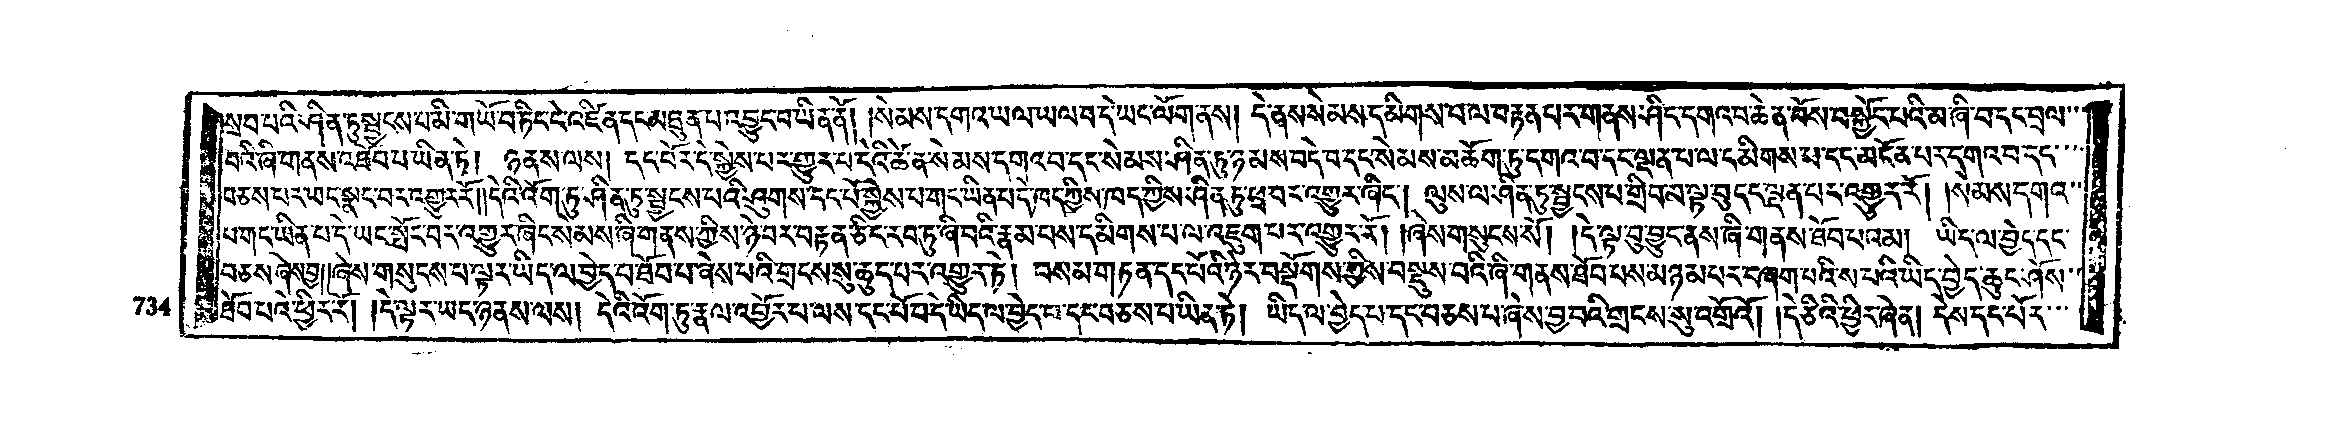སྲབ་པའི་ཤིན་ཏུ་སྦྱངས་པ་མི་གཡོ་བ་ཏིང་ངེ་འཛིན་དང་མཐུན་པ་འབྱུང་བ་ཡིན་ནོ། །སེམས་དགའ་ཡལ་ཡལ་བ་དེ་ཡང་ལོག་ནས། དེ་ནས་སེམས་དམིགས་པ་ལ་བརྟན་པར་གནས་ཤིང་དགའ་བ་ཆེན་པོས་བསྐྱོད་པའི་མ་ཞི་བ་དང་བྲལ་
བའི་ཞི་གནས་འཐོབ་པ་ཡིན་ཏེ། ཉན་ས་ལས། དང་པོར་དེ་སྐྱེས་པར་གྱུར་པ་དེའི་ཚེ་ན་སེམས་དགའ་བ་དང་སེམས་ཤིན་ཏུ་ཉམས་བདེ་བ་དང་སེམས་མཆོག་ཏུ་དགའ་བ་དང་ལྡན་པ་ལ་དམིགས་པ་དང་མངོན་པར་དགའ་བ་དང་
བཅས་པར་ཡང་སྣང་བར་འགྱུར་རོ། །དེའི་འོག་ཏུ་ཤིན་ཏུ་སྦྱངས་པའི་ཤུགས་དང་པོ་སྐྱེས་པ་གང་ཡིན་པ་དེ་ཁད་ཀྱིས་ཁད་ཀྱིས་ཤིན་ཏུ་ཕྲ་བར་འགྱུར་ཞིང་། ལུས་ལ་ཤིན་ཏུ་སྦྱངས་པ་གྲིབ་མ་ལྟ་བུ་དང་ལྡན་པར་འགྱུར་རོ། །སེམས་དགའ་
བ་གང་ཡིན་པ་དེ་ཡང་སྤོང་བར་འགྱུར་ཞིང་སེམས་ཞི་གནས་ཀྱིས་ཉེ་བར་བརྟན་ཅིང་རབ་ཏུ་ཞི་བའི་རྣམ་པས་དམིགས་པ་ལ་འཇུག་པར་འགྱུར་རོ། །ཞེས་གསུངས་སོ། །དེ་ལྟ་བུ་བྱུང་ནས་ཞི་གནས་ཐོབ་པའམ། ཡིད་ལ་བྱེད་དང་
བཅས་ཞེས་བྱ། །ཞེས་གསུངས་པ་ལྟར་ཡིད་ལ་བྱེད་པ་ཐོབ་པ་ཞེས་པའི་གྲངས་སུ་ཆུད་པར་འགྱུར་ཏེ། བསམ་གཏན་དང་པོའི་ཉེར་བསྡོགས་ཀྱིས་བསྡུས་པའི་ཞི་གནས་ཐོབ་པས་མཉམ་པར་བཞག་པའི་ས་པའི་ཡིད་བྱེད་ཆུང་ཤོས་
ཐོབ་པའི་ཕྱིར་རོ། །དེ་ལྟར་ཡང་ཉན་ས་ལས། དེའི་འོག་ཏུ་རྣལ་འབྱོར་པ་ལས་དང་པོ་པ་དེ་ཡིད་ལ་བྱེད་པ་དང་བཅས་པ་ཡིན་ཏེ། ཡིད་ལ་བྱེད་པ་དང་བཅས་པ་ཞེས་བྱ་བའི་གྲངས་སུ་འགྲོའོ། །དེ་ཅིའི་ཕྱིར་ཞེན། དེས་དང་པོར་